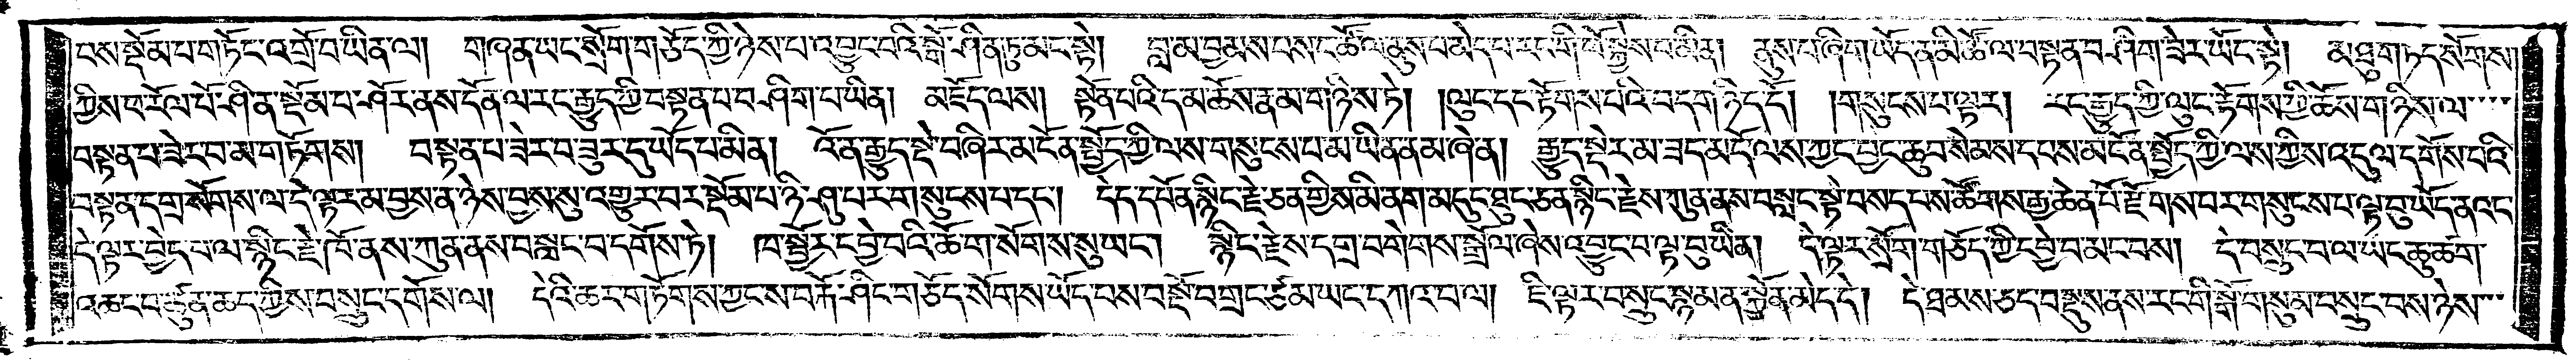བས་སྡོམ་པ་གཏོང་འགྲོ་བ་ཡིན་ལ། གཞན་ཡང་སྲོག་གཅོད་ཀྱི་ཉེས་པ་འབྱུང་བའི་སྒོ་ཤིན་ཏུ་མང་སྟེ། བླ་མ་བྱམས་བསང་ཚོལ་ནུས་པ་མེད་པ་རང་གི་ཕོ་སྐྱེས་པ་མིན། ནུས་པ་ཞིག་ཡོད་ན་མི་ཚོ་ལ་བསྟན་བཤིག་ཟེར་ཡོང་སྟེ། མཐུ་གཏད་སོགས་
ཀྱིས་ཕ་རོལ་པོ་ཤིན་སྡོམ་པ་ཤོར་ནས་དོན་ལ་རང་རྒྱུད་ཀྱི་བསྟན་པ་བཤིག་པ་ཡིན། མཛོད་ལས། སྟོན་པའི་དམ་ཆོས་རྣམ་གཉིས་ཏེ། །ལུང་དང་རྟོགས་པའི་བདག་ཉིད་དོ། །གསུངས་པ་ལྟར། རང་རྒྱུད་ཀྱི་ལུང་རྟོགས་ཀྱི་ཆོས་གཉིས་ལ་
བསྟན་པ་ཟེར་བ་མ་གཏོགས། བསྟན་པ་ཟེར་བ་ཟུར་དུ་ཡོད་པ་མིན། འོ་ན་རྒྱུད་སྡེ་བཞིར་མངོན་སྤྱོད་ཀྱི་ལས་གསུངས་པ་མ་ཡིན་ནམ་ཞེ་ན། རྒྱུད་སྡེར་མ་ཟད་མདོ་ལས་ཀྱང་བྱང་ཆུབ་སེམས་དཔས་མངོན་སྤྱོད་ཀྱི་ལས་ཀྱིས་འདུལ་དགོས་པའི་
བསྟན་དགྲ་སོགས་ལ་དེ་ལྟར་མ་བྱས་ན་ཉེས་བྱས་སུ་འགྱུར་བར་སྡོམ་པ་ཉི་ཤུ་པར་གསུངས་པ་དང་། སྙིང་རྗེ་ཅན་གྱིས་མི་ནག་མདུང་ཐུང་ཅན་སྙིང་ནེས་ཀུན་ནས་བསླང་སྟེ་བསད་པས་ཚོགས་རྒྱ་ཆེན་པོ་རྫོགས་པར་གསུངས་པ་གསུངས་པ་ལྟ་བུ་ཡོད་ནའང་
དེ་ལྟར་བྱེད་པ་ལ་སྙིང་རྗེ་ཁོ་ནས་ཀུན་ནས་བསླང་བ་དགོས་ཏེ། ཁ་སྦྱོར་དབྱེ་བའི་ཆོ་ག་སོགས་སུ་ཡང་། སྙིང་རྗེས་དགྲ་བགེགས་སྒྲོལ་ཞེས་འབྱུང་བ་ལྟ་བུ་ཡིན། དེ་ལྟར་སྲོག་གཅོད་ཀྱི་དབྱེ་བ་མང་བས། དེ་བསྲུང་པ་ལ་ཡང་ཆུ་ཚག་
འཆང་བ་ཚུན་ཆད་ཀྱིས་བསྲུང་དགོས་ལ། དེའི་ཆར་གཏོགས་ཀྱང་ས་བརྐོ་ཤིང་གཅོད་སོགས་ཡོད་པས་བསྔོ་བགྲང་ཙམ་ཡང་དཀའ་བ་ལ། ཇི་ལྟར་བསྲུང་སྙམ་ན་སྐྱོན་མེད་དེ། དེ་ཐམས་ཅད་བསྡུས་ནས་རང་གི་སྒོ་གསུམ་བསྲུང་བས་ཉེས་